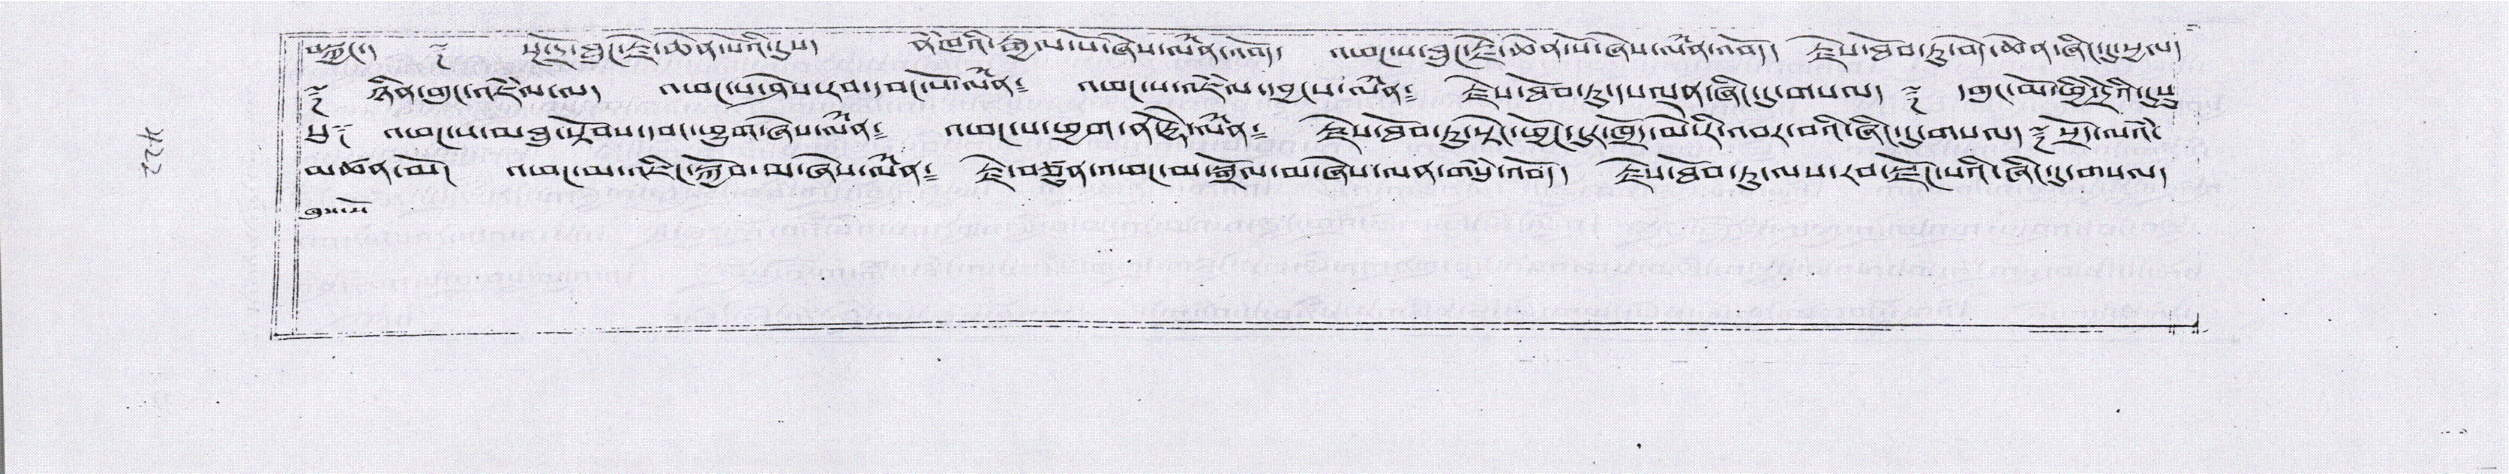སྔ་དྲོ་ཐུགས་རྗེ་ཆེན་པོའི་དུས། ནམ་མཁའི་རྒྱལ་པོ་ཞེས་ལན་གསུམ་འབོད། འཕགས་པ་ཐུགས་རྗེ་ཆེན་པོ་ཞེས་ལན་གསུམ་འབོད། རྗེས་ཐོབ་ཏུ་བདེ་ཆེན་ཞིང་དུ་གསལ། 
ཉིན་གུང་འཇམ་དཔལ་ལ། འཕགས་པ་ཤེས་རབ་དབང་པོ་ལན་གསུམ་འབོད། འཕགས་པ་འཇམ་དཔལ་དབྱངས་ལན་གསུམ་འབོད། རྗེས་ཐོབ་ཏུ་དཔལ་ལྡན་ཞིང་དུ་གསལ། དགུང་མོ་ཕྱི་དྲོའི་དུས་
སུ། འཕགས་པ་མཐུ་སྟོབས་དབང་ཕྱུག་ཞེས་ལན་གསུམ་འབོད། འཕགས་པ་ཕྱག་ན་རྡོ་རྗེ་ལན་གསུམ་འབོད། རྗེས་ཐོབ་ཏུ་སྟེང་ཕྱོགས་དུར་ཁྲོད་མེ་རི་འབར་བའི་ཞིང་དུ་གསལ། སྲོད་ལའམ་
མཚན་མོ། འཕགས་མ་འཇིགས་སྐྱོབ་མ་ཞེས་ཡིན། རྗེ་བཙུན་འཕགས་མ་སྒྲོལ་མ་ཞེས་ལན་གསུམ་འབོད། རྗེས་ཐོབ་ཏུ་ལས་རབ་རྫོགས་པའི་ཞིང་དུ་གསལ། །
ཞུས་སོ། །